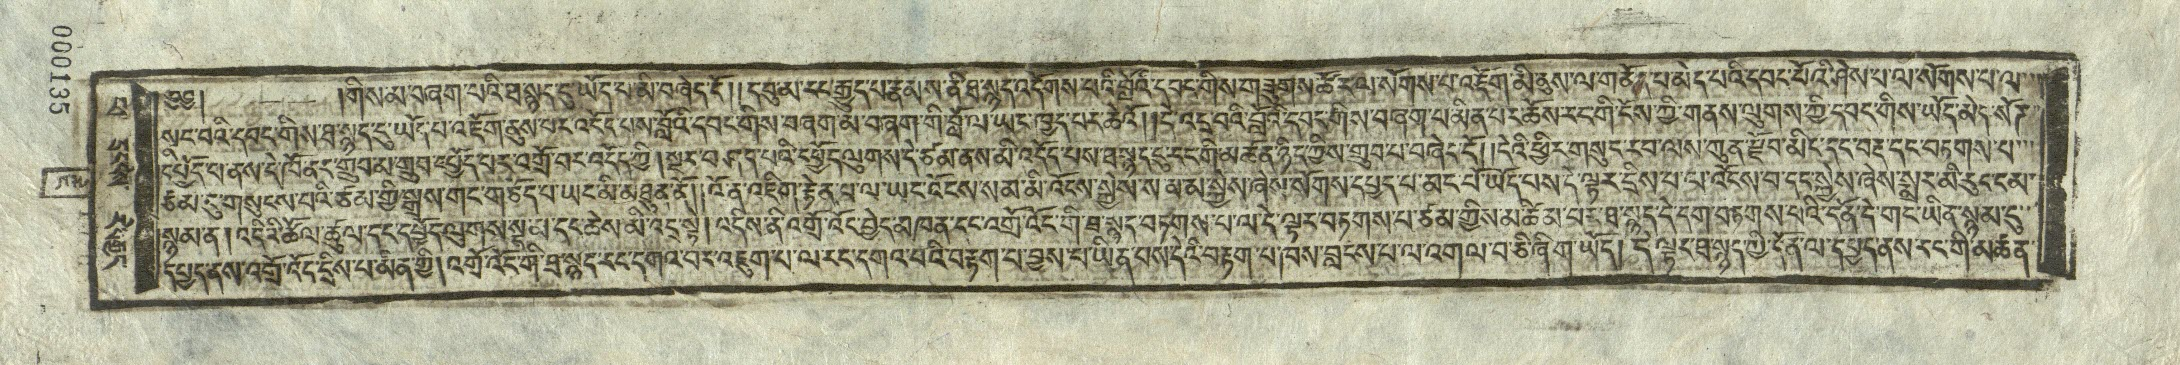༄༅། །གིས་མ་བཞག་པའི་ཐ་སྙད་དུ་ཡོད་པ་མི་བཞེད་དོ། །དབུ་མ་རང་རྒྱུད་པ་རྣམས་ནི་ཐ་སྙད་འདོགས་པའི་བློའི་དབང་གིས་གཟུགས་ཚོར་ལ་སོགས་པ་འཇོག་མི་ནུས་ལ་གནོད་པ་མེད་པའི་དབང་པོའི་ཤེས་པ་ལ་སོགས་པ་ལ་
སྣང་བའི་དབང་གིས་ཐ་སྙད་དུ་ཡོད་པ་འཇོག་ནུས་པར་འདོད་ངས་བློའི་དབང་གིས་བཞག་མ་བཞག་གི་བློ་ལ་ཡང་ཁྱད་པར་ཆེའོ། །དེ་འདྲ་བའི་བློའི་དབང་གིས་བཞག་པ་མིན་པར་ཆེས་རང་གི་ངོས་ཀྱི་གནས་ལུགས་ཀྱི་དབང་གིས་ཡོད་མེད་སོགས་
དཔྱོད་པ་ནས་དེ་ཁོ་ནར་གྲུབ་མ་གྲུབ་དཔྱོད་པར་འགྲོ་བར་འདོད་ཀྱི། སྔར་བཤད་པའི་དཔྱོད་ལུགས་དེ་ཙམ་ནས་མི་འདོད་པས་ཐ་སྙད་དུ་རང་གི་མཚན་ཉིད་ཀྱིས་གྲུབ་པ་བཞེད་དོ། །དེའི་ཕྱིར་གསུང་རབ་ལས་ཀུན་རྫོབ་མིང་དང་བརྡ་དང་བཏགས་པ་
ཙམ་དུ་གསུངས་པའི་ཙམ་གྱི་སྒྲས་གང་གཅོད་པ་ཡང་མི་མཐུན་ནོ། །འོ་ན་འཇིག་རྟེན་པ་ལ་ཡང་འོངས་སམ་མི་འོངས་སྐྱེས་སམ་མྶྐྱེས་མ་སྐྱེས་ཞེས་སོགས་དཔྱད་པ་མང་པོ་ཡོད་པས་དེ་ལྟར་དྲིས་པ་ལ་འོངས་པ་དང་སྐྱེས་ཞེས་སྨྲར་མི་རུང་ངམ་
སྙམ་ན། འདིའི་ཚོལ་ཚུལ་དང་དཔྱོད་ལུགས་སྔ་མ་དང་ཆེས་མི་འདྲ་སྟེ། འདིས་ནི་འགྲོ་འོང་བྱེད་མཁན་དང་འགྲོ་འོང་གི་ཐ་སྙད་བཏགས་པ་ལ་དེ་ལྟར་བཏགས་པ་ཙམ་གྱིས་མ་ཚིམ་པར་ཐ་སྙད་དེ་དག་བཏགས་པའི་དོན་དེ་གང་ཡིན་སྙམ་དུ་
དཔྱད་ནས་འགྲོ་འོང་དྲིས་པ་མིན་གྱི། འགྲོ་འོང་གི་ཐ་སྙད་རང་དགའ་བར་འཇུག་པ་ལ་རང་དགའ་བའི་བརྟག་པ་བྱས་པ་ཡིན་པས་དེའི་བརྟག་པ་ཁས་བླངས་པ་ལ་འགལ་བ་ཅི་ཞིག་ཡོད། དེ་ལྟར་ཐ་སྙད་ཀྱི་དོན་ལ་དཔྱད་ནས་རང་གི་མཚན་